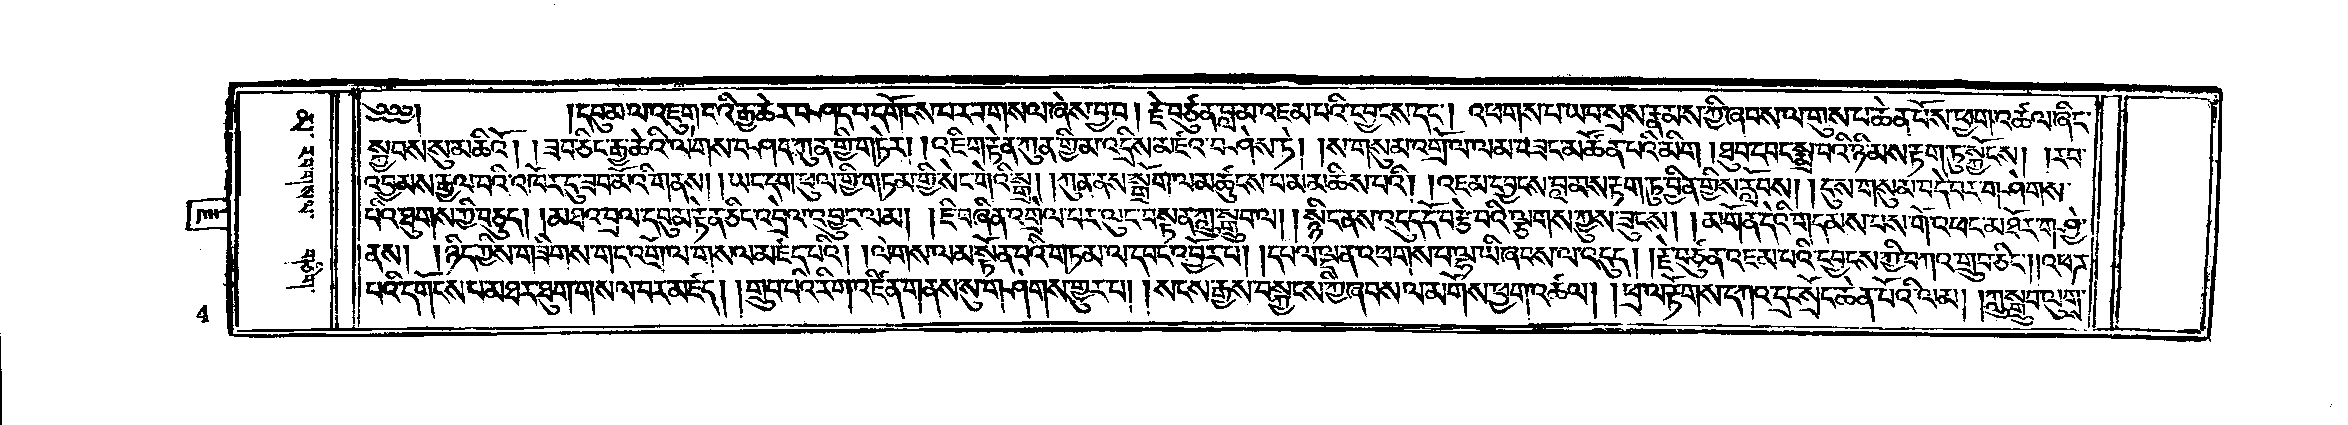༄༅། །དབུ་མ་ལ་འཇུག་པའི་རྒྱ་ཆེར་བཤད་པ་དགོངས་པ་རབ་གསལ་ཞེས་བྱ་བ། རྗེ་བཙུན་བླ་མ་འཇམ་པའི་དབྱངས་དང་། འཕགས་པ་ཡབ་སྲས་རྣམས་ཀྱི་ཞབས་ལ་གུས་པ་ཆེན་པོས་ཕྱག་འཚལ་ཞིང་
སྐྱབས་སུ་མཆིའོ། །ཟབ་ཅིང་རྒྱ་ཆེའི་ལེགས་བཤད་ཀུན་གྱི་གཏེར། །འཇིག་རྟེན་ཀུན་གྱི་མ་འདྲིས་མཛའ་བཤེས་ཏེ། །ས་གསུམ་འགྲོ་ལ་ལམ་བཟང་མཚོན་པའི་མིག །ཐུབ་དབང་སྨྲ་བའི་ཉི་མས་རྟག་ཏུ་སྐྱོངས། །རབ་
འབྱམས་རྒྱལ་བའི་འཁོར་དུ་ཟབ་མོའི་གནས། །ཡང་དག་ཕུལ་གྱི་གཏམ་གྱི་སེང་གེའི་སྒྲ། །ཀུན་ནས་སྒྲོག་ལ་མཚུངས་པ་མ་མཆིས་པའི། །འཇམ་དབྱངས་བླ་མས་རྟག་ཏུ་བྱིན་གྱིས་རློབས། །དུས་གསུམ་བདེ་བར་གཤེགས་
པའི་ཐུགས་ཀྱི་བཅུད། །མཐའ་བྲལ་དབུ་མ་རྟེན་ཅིང་འབྲེལ་འབྱུང་ལམ། །ཇི་བཞིན་འགྲེལ་པར་ལུང་བསྟན་ཀླུ་སྒྲུབ་ལ། །སྙིང་ནས་འདུད་དོ་བརྩེ་བའི་ལྕགས་ཀྱུས་ཟུངས། །མགོན་དེའི་གདམས་པས་གོ་འཕང་མཐོར་གཤེགས་
ནས། །ཉིད་ཀྱིས་གཟིགས་གང་འགྲོ་ལ་གསལ་མཛད་པའི། །ལེགས་ལམ་སྟོན་པའི་གཏམ་ལ་དབང་འབྱོར་པ། །དཔལ་ལྡན་འཕགས་པ་ལྷ་ཡི་ཞབས་ལ་འདུད། །རྗེ་བཙུན་འཇམ་པའི་དབྱངས་ཀྱི་བཀའ་གྲུབ་ཅིང་། །འཕགས་
པའི་དགོངས་པ་མཐར་ཐུག་གསལ་བར་མཛད། །གྲུབ་པའི་རིག་འཛིན་གནས་སུ་གཤེགས་གྱུར་པ། །སངས་རྒྱས་བསྐྱངས་ཀྱི་ཞབས་ལ་མགོས་ཕྱག་འཚལ། །ཕྲ་ལ་རྟོགས་དཀའ་དྲང་སྲོང་ཆེན་པོའི་ལམ། །ཀླུ་སྒྲུབ་ལུགས་